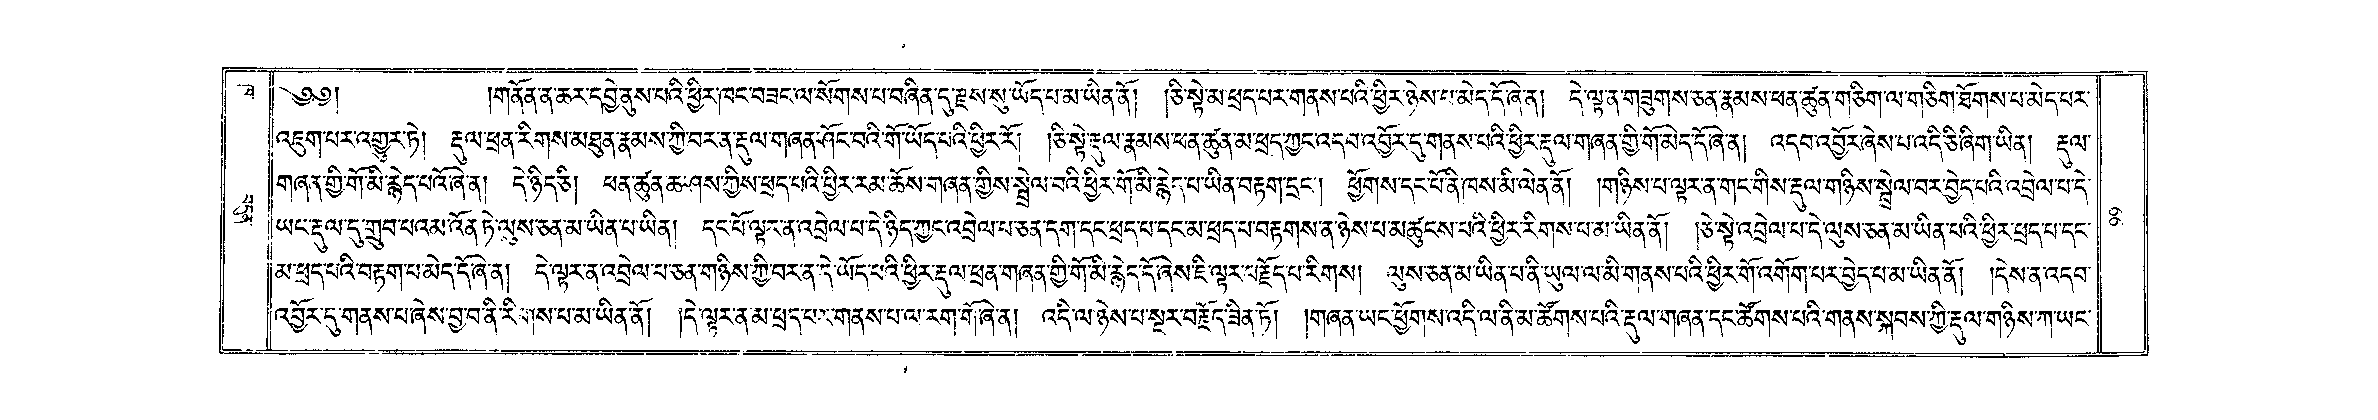༄༅། །གནོན་ན་ཆར་དབྱེ་ནུས་པའི་ཕྱིར་ཁང་བཟང་ལ་སོགས་པ་བཞིན་དུ་རྫས་སུ་ཡོད་པ་མ་ཡིན་ནོ། །ཅི་སྟེ་མ་ཕྲད་པར་གནས་པའི་ཕྱིར་ཉེས་པ་མེད་དོ་ཞེ་ན། དེ་ལྟ་ན་གཟུགས་ཅན་རྣམས་ཕན་ཚུན་གཅིག་ལ་གཅིག་ཐོགས་པ་མེད་པར་
འཇུག་པར་འགྱུར་ཏེ། རྡུལ་ཕྲན་རིགས་མཐུན་རྣམས་ཀྱི་བར་ན་རྡུལ་གཞན་ཤོང་བའི་གོ་ཡོད་པའི་ཕྱིར་རོ། །ཅི་སྟེ་རྡུལ་རྣམས་ཕན་ཚུན་མ་ཕྲད་ཀྱང་འདབ་འབྱོར་དུ་གནས་པའི་ཕྱིར་རྡུལ་གཞན་གྱི་གོ་མེད་དོ་ཞེ་ན། འདབ་འབྱོར་ཞེས་པ་འདི་ཅི་ཞིག་ཡིན། རྡུལ་
གཞན་གྱི་གོ་མི་རྙེད་པའོ་ཞེ་ན། དེ་ཉིད་ཅི། ཕན་ཚུན་ཆ་ཤས་ཀྱིས་ཕྲད་པའི་ཕྱིར་རམ་ཆོས་གཞན་གྱིས་སྦྲེལ་བའི་ཕྱིར་གོ་མི་རྙེད་པ་ཡིན་བརྟག་དྲང་། ཕྱོགས་དང་པོ་ནི་ཁས་མི་ལེན་ནོ། །གཉིས་པ་ལྟར་ན་གང་གིས་རྡུལ་གཉིས་སྦྲེལ་བར་བྱེད་པའི་འབྲེལ་པ་དེ་
ཡང་རྡུལ་དུ་གྲུབ་པའམ་འོན་ཏེ་ལུས་ཅན་མ་ཡིན་པ་ཡིན། དང་པོ་ལྟར་ན་འབྲེལ་པ་དེ་ཉིད་ཀྱང་འབྲེལ་པ་ཅན་དག་དང་ཕྲད་པ་དང་མ་ཕྲད་པ་བརྟགས་ན་ཉེས་པ་མཚུངས་པའི་ཕྱིར་རིགས་པ་མ་ཡིན་ནོ། །ཅི་སྟེ་འབྲེལ་པ་དེ་ལུས་ཅན་མ་ཡིན་པའི་ཕྱིར་ཕྲད་པ་དང་
མ་ཕྲད་པའི་བརྟག་པ་མེད་དོ་ཞེ་ན། དེ་ལྟར་ན་འབྲེལ་པ་ཅན་གཉིས་ཀྱི་བར་ན་དེ་ཡོད་པའི་ཕྱིར་རྡུལ་ཕྲན་གཞན་གྱི་གོ་མི་རྙེད་དོ་ཞེས་ཇི་ལྟར་བརྗོད་པ་རིགས། ལུས་ཅན་མ་ཡིན་པ་ནི་ཡུལ་ལ་མི་གནས་པའི་ཕྱིར་གོ་འགོག་པར་བྱེད་པ་མ་ཡིན་ནོ། །དེས་ན་འདབ་
འབྱོར་དུ་གནས་པ་ཞེས་བྱ་བ་ནི་རིགས་པ་མ་ཡིན་ནོ། །དེ་ལྟར་ན་མ་ཕྲད་པར་གནས་པ་ལ་རག་གོ་ཞེ་ན། འདི་ལ་ཉེས་པ་སྔར་བརྗོད་ཟིན་ཏོ། །གཞན་ཡང་ཕྱོགས་འདི་ལ་ནི་མ་ཚོགས་པའི་རྡུལ་གཞན་དང་ཚོགས་པའི་གནས་སྐབས་ཀྱི་རྡུལ་གཉིས་ཀ་ཡང་